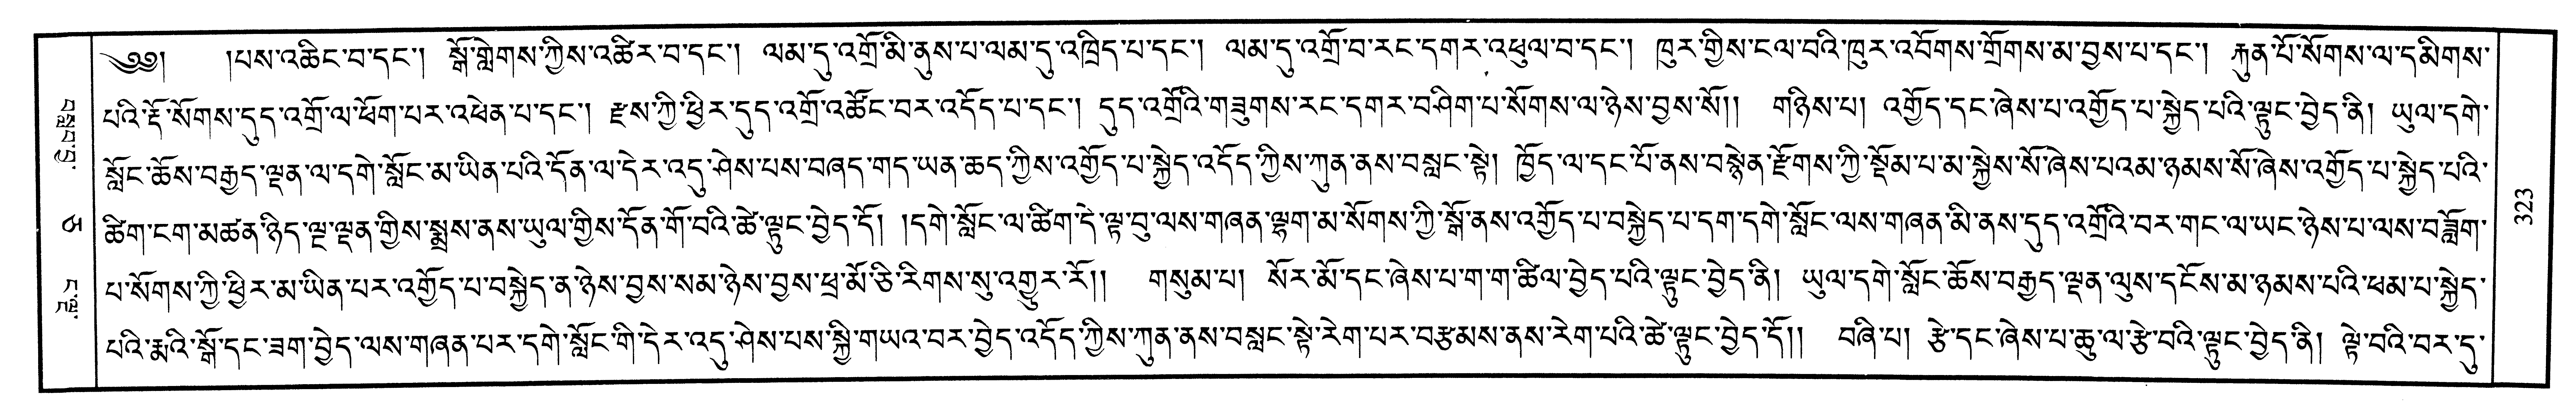༄༅། །པས་འཆིང་བ་དང་། སྒོ་གླེགས་ཀྱིས་འཚིར་བ་དང་། ལམ་དུ་འགྲོ་མི་ནུས་པ་ལམ་དུ་འཁྲིད་པ་དང་། ལམ་དུ་འགྲོ་བ་རང་དགར་འཕུལ་བ་དང་། ཁུར་གྱིས་ངལ་བའི་ཁུར་འབོགས་གྲོགས་མ་བྱས་པ་དང་། རྐུན་པོ་སོགས་ལ་དམིགས་
པའི་རྡོ་སོགས་དུད་འགྲོ་ལ་ཕོག་པར་འཕེན་པ་དང་། རྫས་ཀྱི་ཕྱིར་དུད་འགྲོ་འཚོང་བར་འདོད་པ་དང་། དུད་འགྲོའི་གཟུགས་རང་དགར་བཤིག་པ་སོགས་ལ་ཉེས་བྱས་སོ།། གཉིས་པ། འགྱོད་དང་ཞེས་པ་འགྱོད་པ་སྐྱེད་པའི་ལྟུང་བྱེད་ནི། ཡུལ་དགེ་
སློང་ཆོས་བརྒྱད་ལྡན་ལ་དགེ་སློང་མ་ཡིན་པའི་དོན་ལ་དེར་འདུ་ཤེས་པས་བཞད་གད་ཡན་ཆད་ཀྱིས་འགྱོད་པ་སྐྱེད་འདོད་ཀྱིས་ཀུན་ནས་བསླང་སྟེ། ཁྱོད་ལ་དང་པོ་ནས་བསྙེན་རྫོགས་ཀྱི་སྡོམ་པ་མ་སྐྱེས་སོ་ཞེས་པའམ་ཉམས་སོ་ཞེས་འགྱོད་པ་སྐྱེད་པའི་
ཚིག་ངག་མཚན་ཉིད་ལྔ་ལྡན་གྱིས་སྨྲས་ནས་ཡུལ་གྱིས་དོན་གོ་བའི་ཚེ་ལྟུང་བྱེད་དོ། །དགེ་སློང་ལ་ཚིག་དེ་ལྟ་བུ་ལས་གཞན་ལྷག་མ་སོགས་ཀྱི་སྒོ་ནས་འགྱོད་པ་བསྐྱེད་པ་དག་དགེ་སློང་ལས་གཞན་མི་ནས་དུད་འགྲོའི་བར་གང་ལ་ཡང་ཉེས་པ་ལས་བཟློག་
པ་སོགས་ཀྱི་ཕྱིར་མ་ཡིན་པར་འགྱོད་པ་བསྐྱེད་ན་ཉེས་བྱས་སམ་ཉེས་བྱས་ཕྲ་མོ་ཅི་རིགས་སུ་འགྱུར་རོ།། གསུམ་པ། སོར་མོ་དང་ཞེས་པ་ག་ག་ཚིལ་བྱེད་པའི་ལྟུང་བྱེད་ནི། ཡུལ་དགེ་སློང་ཆོས་བརྒྱད་ལྡན་ལུས་དངོས་མ་ཉམས་པའི་ཕམ་པ་སྐྱེད་
པའི་རྨའི་སྒོ་དང་ཟག་བྱེད་ལས་གཞན་པར་དགེ་སློང་གི་དེར་འདུ་ཤེས་པས་སྐྱི་གཡའ་བར་བྱེད་འདོད་ཀྱིས་ཀུན་ནས་བསླང་སྟེ་རེག་པར་བརྩམས་ནས་རེག་པའི་ཚེ་ལྟུང་བྱེད་དོ།། བཞི་པ། རྩེ་དང་ཞེས་པ་ཆུ་ལ་རྩེ་བའི་ལྟུང་བྱེད་ནི། ལྟེ་བའི་བར་དུ་